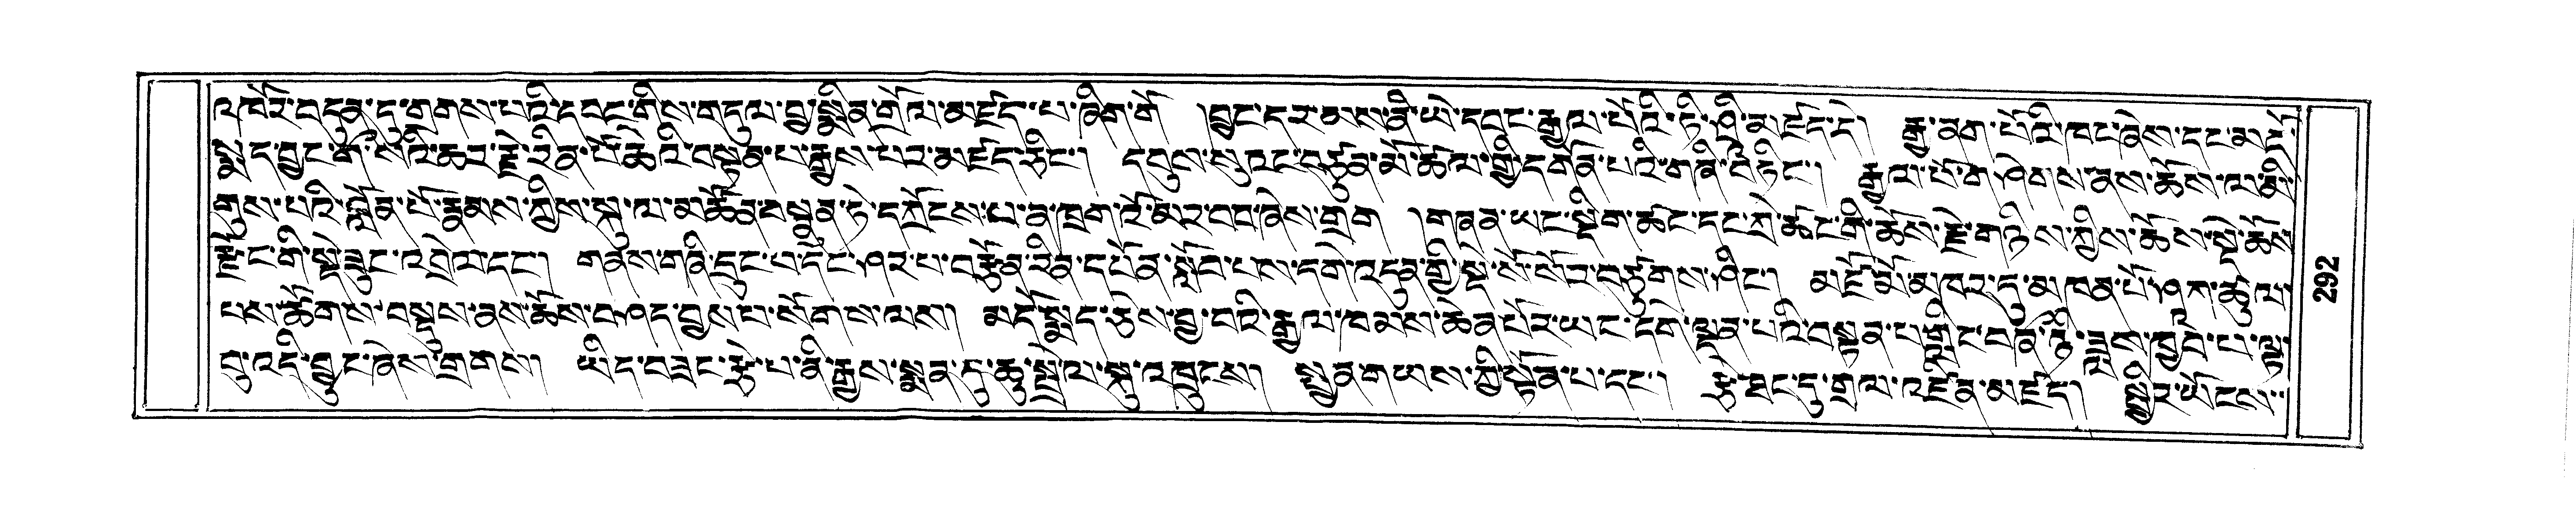འཁོར་བདུན་དུ་གྲགས་པའི་དབང་གིས་གདུལ་བྱ་སྨིན་གྲོལ་མཛད་པ་ཞིག་གོ །བྱང་དར་མས་ནི་ཡེ་དབང་རྒྱལ་པོའི་ཏི་ཤྲཱི་མཛད་དེ། རྒྱ་ནག་པོའི་ཁང་ཞེས་དང་མདོ་
སྨད་བྱང་གྀ་སའི་ཆར་རྗེ་རིན་པོ་ཆེའི་བསྟན་པ་རྒྱས་པར་མཛད་ཅིང་། དབུས་སུའང་བཙུན་མོ་ཚལ་གྱི་དགོན་པའི་གཞི་བཏིང་། རྒྱལ་པོ་གཤེགས་ནས་ཆོས་ལ་མི་
གུས་པའི་བློན་པོ་རྣམས་ཀྱིས་སྐུ་ལ་མཚོན་ནྶྣུན་ཏེ་དཀྲོངས་པ་ན་ཁྲག་འོ་མར་བབ་ཞེས་གྲག །གཞན་ཡང་སྡིག་ཚང་དང་ཀྲེ་ཚང་གི་ཆོས་རྗེ་གཉིས་ཀྱིས་ཆོས་སྡེ་ཆོས་
རྫོང་གིསྡེ་ཟུང་འབྲེལ་དང་། གནས་གཞི་དྲུང་པ་དང་ཤར་པ་བརྩོན་རིན་དཔོན་སློབ་པས་དགེ་འདུན་གྱིསྡེ་སོ་སོར་བཙུགས་ཤིང་། དྫོ་མོ་མཁར་དུ་མཁན་པོ་ཤཱ་ཀ་ཚུལ་
པས་ཚོགས་བསྡུས་ནས་ཆོས་བཤད་བྱས་པ་སོགས་ལས། མདོ་སྨད་ཅེས་བྱ་བའི་རྒྱལ་ཁམས་ཆེན་པོར་ཡང་དགེ་ལྡན་པའི་བསྟན་པ་གླིང་བཞྀ་ཉི་ཟླས་ཁྱབ་པ་ལྟ་
བུ་འདི་བྱུང་ཞེས་གྲགས། ཡིད་བཟང་རྩེ་པ་ནི་རྒྱས་སྨན་དུ་ཆུ་སྤྲེལ་སྐུ་འཁྲུངས། སྤྱན་གཡས་ཀྱི་སྟོན་པ་དང་། རྩ་ཐང་དུ་གྲལ་འཛིན་མཛད། སྤྱིར་ཡོངས་